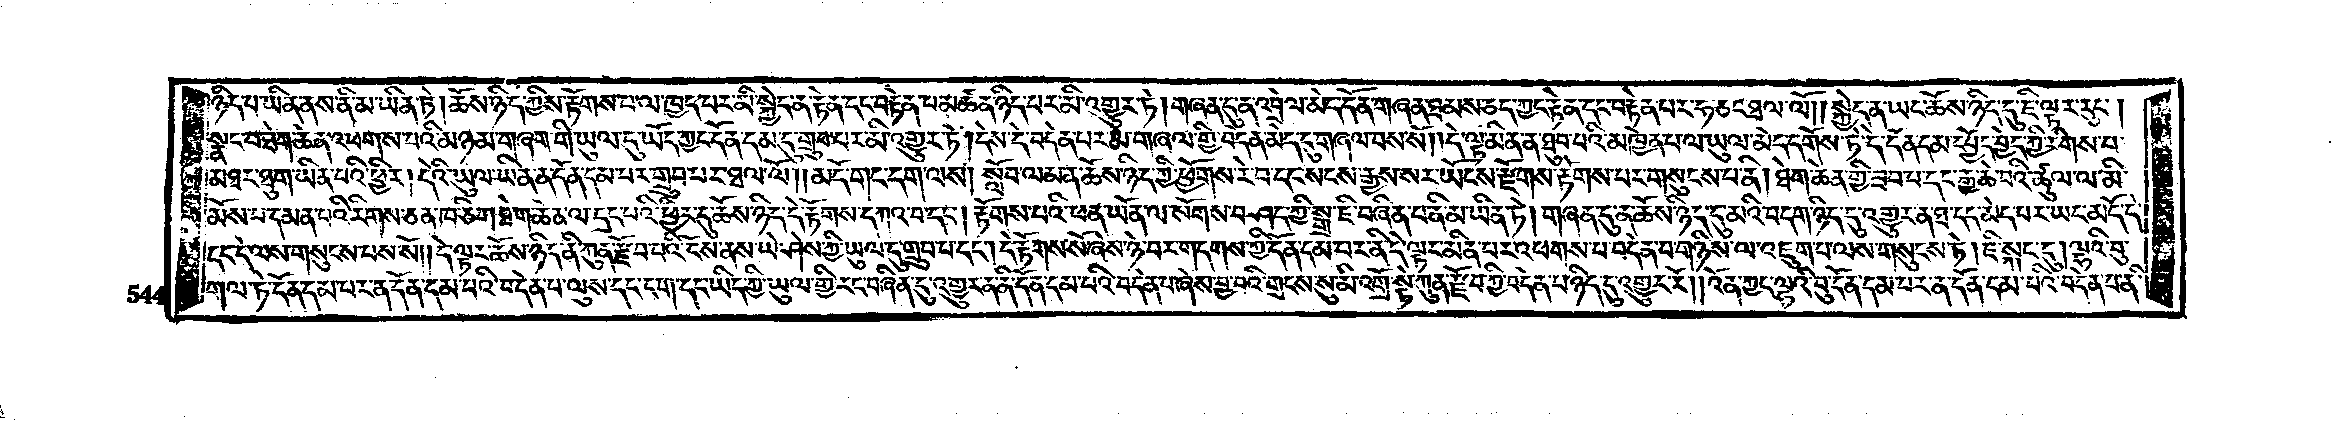ཉིད་པ་ཡིན་ནས་ནི་མ་ཡིན་ཏེ། ཆོས་ཉིད་ཀྱིས་རྟོགས་པ་ལ་ཁྱད་པར་མི་སྐྱེད་ན་རྟེན་དང་བརྟེན་པ་མཚན་ཉིད་པར་མི་འགྱུར་ཏེ། གཞན་དུ་ན་འབྲེལ་མེད་དོན་གཞན་ཐམས་ཅད་ཀྱང་རྟེན་དང་བརྟེན་པར་ཧ་ཅང་ཐལ་ལོ། །སྐྱེད་ན་ཡང་ཆོས་ཉིད་དུ་ཇི་ལྟར་རུང་།
སྣང་བ་ཐེག་ཆེན་འཕགས་པའི་མཉམ་གཞག་གི་ཡུལ་དུ་ཡོད་ཀྱང་དོན་དམ་དུ་གྲུབ་པར་མི་འགྱུར་ཏེ། དེས་དེ་བདེན་པར་མ་གཞལ་གྱི་བདེན་མེད་དུ་གཞལ་བས་སོ། །དེ་ལྟ་མིན་ན་ཐུབ་པའི་མཁྱེན་པ་ལ་ཡུལ་མེད་དགོས་ཏེ་དེ་དོན་དམ་དཔྱོད་བྱེད་ཀྱི་རིགས་པ་
མཐར་ཐུག་ཡིན་པའི་ཕྱིར། དེའི་ཡུལ་ཡིན་ན་དོན་དམ་པར་གྲུབ་པར་ཐལ་ལོ། མདོ་གང་དག་ལས། སློབ་ལམ་ན་ཆོས་ཉིད་ཀྱི་ཕྱོགས་རེ་བ་དང་སངས་རྒྱས་སར་ཡོངས་རྫོགས་རྟོགས་པར་གསུངས་པ་ནི། ཐེག་ཆེན་གྱི་ཟབ་པ་དང་རྒྱ་ཆེ་བའི་ཚུལ་ལ་མི་
མོས་པ་དམན་པའི་རིགས་ཅན་ཁ་ཅིག་ཐེག་ཆེན་ལ་དྲང་པའི་ཕྱིར་དུ་ཆོས་ཉིད་དེ་རྟོགས་དཀའ་བ་དང་། རྟོགས་པའི་ཕན་ཡོན་ལ་སོགས་བཤད་ཀྱི་སྒྲ་ཇི་བཞིན་པ་ནི་མ་ཡིན་ཏེ། གཞན་དུ་ན་ཆོས་ཉིད་དུ་མའི་བདག་ཉིད་དུ་འགྱུར་ན་ཐ་དད་མེད་པར་མདོ་དེ་
དང་དེ་ལས་གསུངས་པས་སོ། །དེ་ཆོས་ཉིད་ནི་ཀུན་རྫོབ་པའི་ངོས་ནས་ཡེ་ཤེས་ཀྱི་ཡུལ་དུ་གྲུབ་པ་དང་། དེ་རྟོགས་སོ་ཞེས་ཉེ་བར་གདགས་ཀྱི་དོན་དམ་པར་ནི་དེ་ལྟར་མིན་པར་འཕགས་པ་བདེན་པ་གཉིས་ལ་འཇུག་པ་ལས་གསུངས་ཏེ། ཇི་སྐད་དུ། ལྷའི་བུ་
གལ་ཏེ་ངན་དམ་པར་ན་དོན་དམ་པའི་བདེན་པ་ལུས་དང་ངག་དང་ཡིད་ཀྱི་ཡུལ་གྱི་རང་བཞིན་དུ་འགྱུར་ན་ནི་དོན་དམ་པའི་བདེན་པ་ཞེས་བྱ་བའི་གྲངས་སུ་མི་འགྲོ་སྟེ་ཀུན་རྫོབ་ཀྱི་བདེན་པ་ཉིད་དུ་འགྱུར་རོ། །འོན་ཀྱང་ལྷའི་བུ་དོན་དམ་པར་ན་དོན་དམ་པའི་བདེན་པ་ནི་